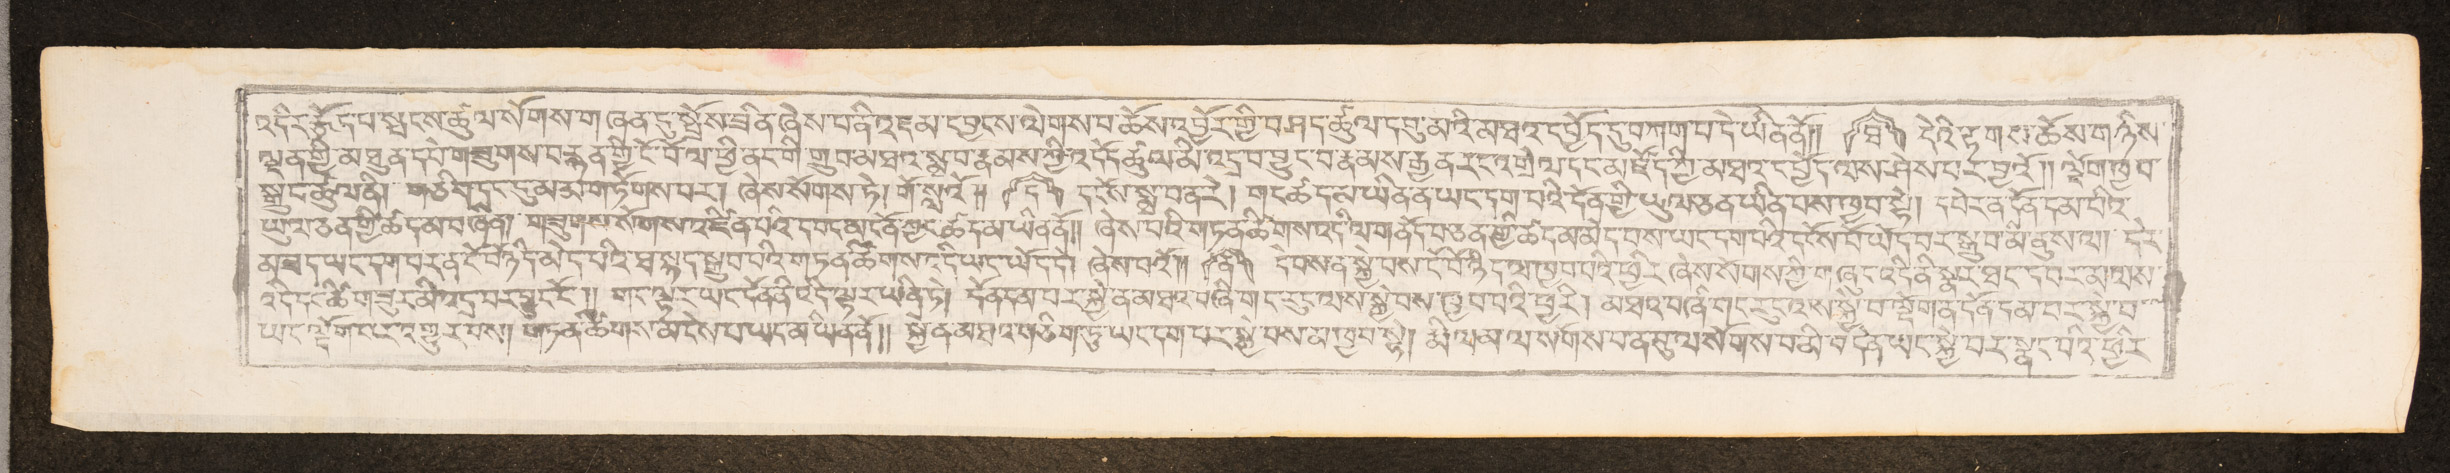འདྲི་རྩོད་པ་སྤངས་ཚུལ་སོགས་གཞན་དུ་སྤྲོས་ཟིན་ཞེས་པ་ནི་འཇམ་དབྱངས་ལེགས་པ་ཆོས་འབྱོར་གྱི་བཤད་ཚུལ་དབུ་མའི་མཐའ་དཔྱོད་དུ་བཀག་པ་དེ་ཡིན་ནོ། །༼༽ཐ༼༽ དེའི་རྟགས་ཆོས་གཉིས་
ལྡན་གྱི་མཐུན་དཔེ་གཟུགས་བརྙན་གྱི་ངོ་བོ་ལ་ཕྱི་ནང་གི་གྲུབ་མཐའ་སྨྲ་བ་རྣམ་ཀྱི་འདོད་ཚུལ་མི་འདྲ་བ་བྱུང་བ་རྣམས་རྒྱན་རང་འགྲེལ་དང་མཛོད་ཀྱི་མཐའ་དཔྱོད་ལས་ཤེས་པར་བྱའོ། །ལྡོག་ཁྱབ་
སྒྲུབ་ཚུལ་ནི། གཅིག་དང་དུ་མ་མ་གཏོགས་པར། ཞེས་སོགས་ཏེ། གོ་སླའོ། །༼༽ད༼༽ དངོས་སྨྲ་བ་ན་རེ། གང་ཚད་མ་ཡིན་ན་ཡང་དག་པའི་དོན་གྱི་ཡུལ་ཅན་ཡིན་པས་ཁྱབ་སྟེ། །དཔེར་ན་དོན་དམ་པའི་
ཡུལ་ཅན་གྱི་ཚད་མ་བཞིན། གཟུགས་སོགས་འཛིན་པའི་དབང་མངོན་ཀྱང་ཚད་མ་ཡིན་ནོ། ཞེས་པའི་གཏན་ཚིགས་འདི་ལ་གནོད་པ་ཅན་གྱི་ཚད་མ་མེད་པས་ཡང་དག་པའི་དངོས་པོ་ཡོད་པར་སྒྲུབ་མི་ནུས་ལ། སེར་
མ་ཟད་ཡང་དག་པར་ན་ངོ་བོ་ཉིད་མེད་པའི་ཐ་སྙད་སྒྲུབ་པའི་གཏན་ཚིགས་འདི་ཡང་ཡོད་དེ། ཞེས་པའོ། །༼༽ན༼༽ དེ་བས་ནི་སྐྱེ་བས་ངོ་བོ་ཉིད་ལ་ཁྱབ་པའི་ཕྱིར་ཞེས་སོགས་ཀྱི་གཞུང་འདི་ནི་སྣར་ཐང་དཔར་མ་ལས་
འདི་དང་ཚིག་ཟུག་མི་འདྲ་བར་བྱུང་ངོ། །གང་ལྟར་ཡང་དོན་ནི་འདི་ལྟར་ཡིན་ཏེ། །དོན་དམ་པར་ཀྱེ་ན་མཐའ་བཞི་གང་རུང་ལས་སྐྱེ་བས་ཁྱབ་པའི་ཕྱིར། །མཐའ་བཞི་གང་རུང་ལས་སྐྱེ་བ་ལྡོག་ན་དོན་དམ་པར་སྐྱེ་བ་
ཡང་ལྡོག་པར་འགྱུར་པས། །གཏན་ཚིག་མ་དེས་པ་ཡང་མ་ཡིན་ནོ། སྐྱེ་ན་མཐའ་གཅིག་ཏུ་ཡང་། །དག་པར་སྐྱེ་བས་མ་ཁྱབ་སྟེ། །མི་ལམ་ལ་སོགས་པ་ན་བུ་ལ་སོགས་པ་མི་བདེན་ཡང་སྐྱེ་པར་སྣང་བའི་ཕྱིར་